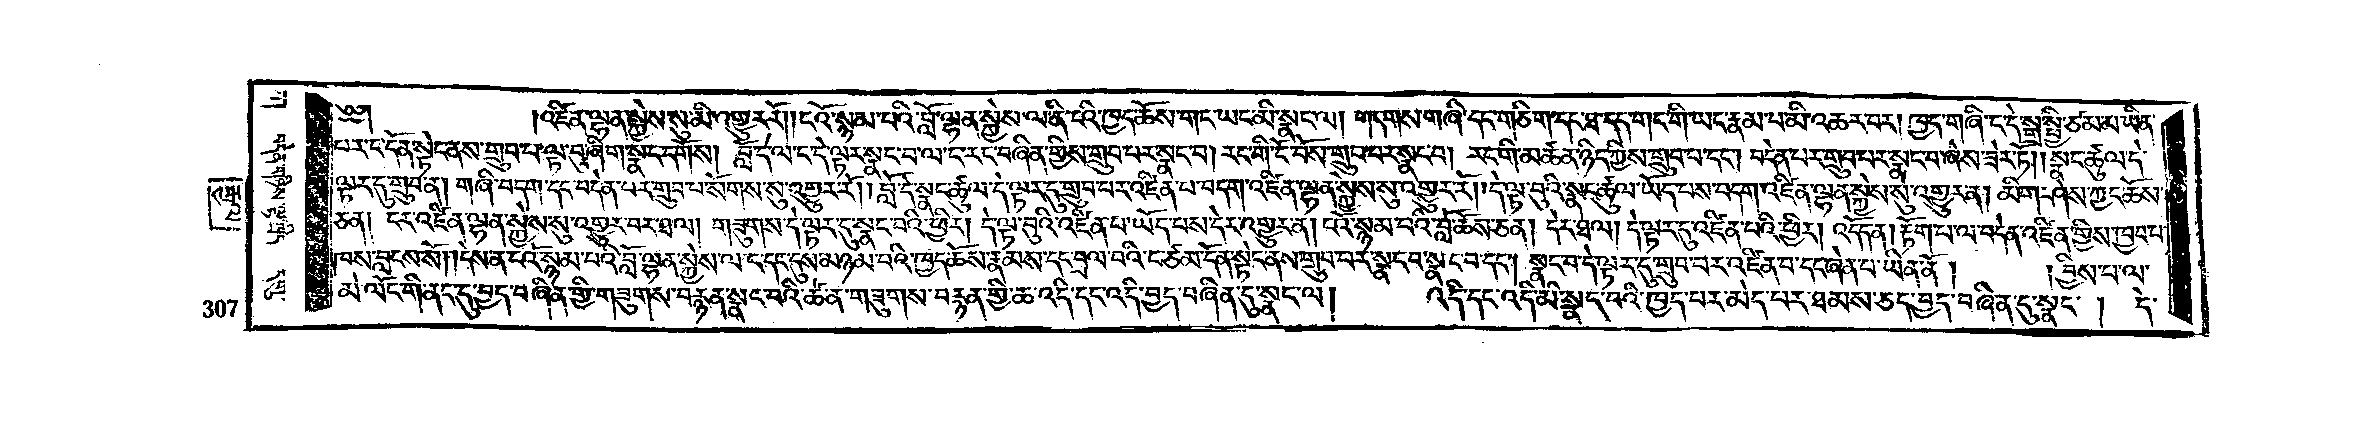༄༅། །འཛིན་ལྷན་སྐྱེས་སུ་མི་འགྱུར་རོ། །ངའོ་སྙམ་པའི་བློ་ལྷན་སྐྱེས་ལ་ནི་ངའི་ཁྱད་ཆོས་གང་ཡང་མི་སྣང་ལ། གདགས་གཞི་དང་གཅིག་དང་ཐ་དད་གང་གི་ཡང་རྣམ་པ་མི་འཆར་བར། ཁྱད་གཞི་ང་དེ་སྒྲ་སྤྱི་ཙམ་མ་ཡིན་
པར་ང་དོན་སྟེང་ནས་གྲུབ་པ་ལྟ་བུ་ཞིག་སྣང་དགོས། བློ་དེ་ལ་ང་དེ་ལྟར་སྣང་བ་ལ་ང་རང་བཞིན་གྱིས་གྲུབ་པར་སྣང་བ། རང་གི་ངོ་བོས་གྲུབ་པར་སྣང་བ། རང་གི་མཚན་ཉིད་ཀྱིས་གྲུབ་པ་དང་། བདེན་པར་གྲུབ་པར་སྣང་བ་ཞེས་ཟེར་ཏོ། །སྣང་ཚུལ་དེ་
ལྟར་དུ་གྲུབ་ན། གཞི་བདག་དང་བདེན་པར་གྲུབ་པ་སོགས་སུ་འགྱུར་རོ། །བློ་དེ་སྣང་ཚུལ་དེ་ལྟར་དུ་གྲུབ་པར་འཛིན་པ་བདག་འཛིན་ལྷན་སྐྱེས་སུ་འགྱུར་རོ། །དེ་ལྟ་བུའི་སྣང་ཚུལ་ཡོད་པས་བདག་འཛིན་ལྷན་སྐྱེས་སུ་འགྱུར་ན། མིག་ཤེས་ཀྱང་ཆོས་
ཅན། ངར་འཛིན་ལྷན་སྐྱེས་སུ་འགྱུར་བར་ཐ་ལ། གཟུགས་དེ་ལྟར་དུ་སྣང་བའི་ཕྱིར། དེ་ལྟ་བུའི་འཛིན་པ་ཡོད་པས་དེར་འགྱུར་ན། ངའོ་སྙམ་པའི་བློ་ཆོས་ཅན། དེར་ཐལ། དེ་ལྟར་དུ་འཛིན་པའི་ཕྱིར། འདོད་ན། རྟོག་པ་ལ་བདེན་འཛིན་གྱིས་ཁྱབ་པ་
ཁས་བླངས་སོ། །དེས་ན་ངའོ་སྙམ་པའི་བློ་ལྷན་སྐྱེས་ལ་ང་དང་དུས་མཉམ་པའི་ཁྱད་ཆོས་རྣམས་དང་བྲལ་བའི་ང་ཙམ་དོན་སྟེང་ནས་གྲུབ་པར་སྣང་བ་སྣང་བ་དང་། སྣང་བ་དེ་ལྟར་དུ་གྲུབ་པར་འཛིན་པ་དང་ཞེན་པ་ཡིན་ནོ། །བྱིས་པ་ལ་
མེ་ལོང་གི་ནང་དུ་བྱད་བཞིན་གྱི་གཟུགས་བརྙན་སྣང་བའི་ཚེ་ན་གཟུགས་བརྙན་གྱི་ཆ་འདི་དང་འདི་བྱད་བཞིན་དུ་སྣང་ལ། འདི་དང་འདི་མི་སྣང་བའི་ཁྱད་པར་མེད་པར་ཐམས་ཅད་བྱད་བཞིན་དུ་སྣང་། དེ་